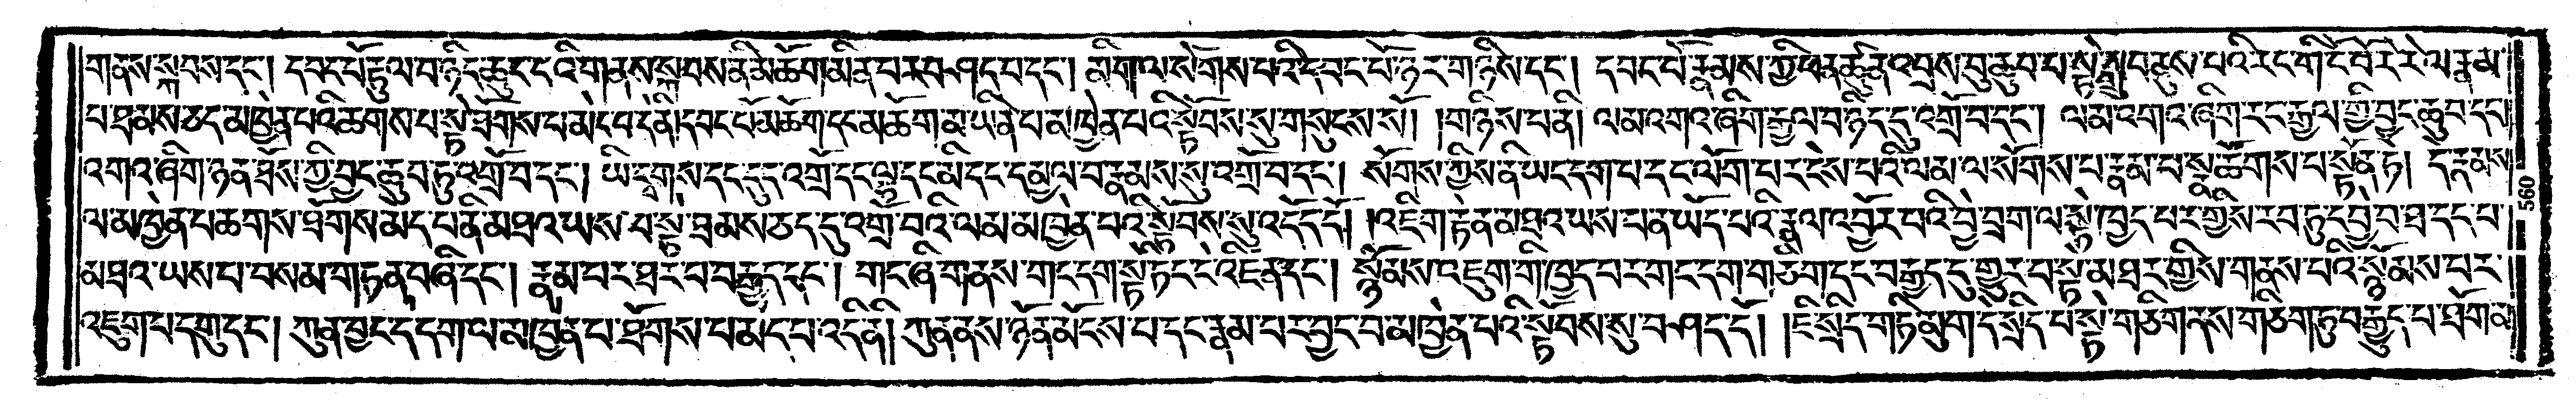གནས་སྐབས་དང་། དབང་པོ་རྟུལ་བ་ཉིད་ཆུང་ངུའི་གནས་སྐབས་ནི་མཆོག་མིན་པར་བཤད་པ་དང་། མིག་ལ་སོགས་པའི་དབང་པོ་ཉེར་གཉིས་དང་། དབང་པོ་རྣམས་ཀྱི་ཕན་ཚུན་འབྲས་བུ་ཆུབ་པ་སྟེ་སྒྲུབ་ནུས་པའི་རང་གི་ངོ་བོ་རེ་རེ་ལ་རྣམ་
པ་ཐམས་ཅད་མཁྱེན་པའི་ཆགས་པ་སྟེ་ཐོགས་པ་མེད་པ་དེ་ནི། དབང་པོ་མཆོག་དང་མཆོག་མ་ཡིན་པ་མཁྱེན་པའི་སྟོབས་སུ་གསུངས་སོ། །གཉིས་པ་ནི། ལམ་འགའ་ཞིག་རྒྱལ་བ་ཉིད་དུ་འགྲོ་བ་དང་། ལམ་འགའ་ཞིག་རང་རྒྱལ་གྱི་བྱང་ཆུབ་དང་།
འགའ་ཞིག་ཉན་ཐོས་ཀྱི་བྱང་ཆུབ་ཏུ་འགྲོ་བ་དང་། ཡི་དྭགས་དང་དུད་འགྲོ་དང་ལྷ་དང་མི་དང་དམྱལ་བ་རྣམས་སུ་འགྲོ་བ་དང་། སོགས་ཀྱིས་ནི་ཡང་དག་པ་དང་ལོག་པར་ངེས་པའི་ལམ་ལ་སོགས་པ་རྣམ་པ་སྣ་ཚོགས་པ་སྟོན་ཏ། དེ་རྣམས་
ལ་མཁྱེན་པ་ཆགས་ཐོགས་མེད་པ་ནི་མཐའ་ཡས་པ་སྟེ་ཐམས་ཅད་དུ་འགྲོ་བའི་ལམ་མཁྱེན་པའི་སྟོབས་སུ་འདོད་དོ། །འཇིག་རྟེན་མཐའ་ཡས་པ་ན་ཡོད་པའི་རྣལ་འབྱོར་པའི་བྱེ་བྲག་ལ་སྟེ་ཁྱད་པར་གྱིས་རབ་ཏུ་དབྱེ་བ་ཐ་དད་པ་
མཐའ་ཡས་པ་བསམ་གཏན་བཞི་དང་། རྣམ་པར་ཐར་པ་བརྒྱད་དང་། གང་ཞི་གནས་གང་དག་སྟེ་ཏིང་ངེ་འཛིན་དང་། སྙོམས་འཇུག་གི་ཁྱད་པར་གང་དག་གཅིག་དང་བརྒྱད་དུ་གྱུར་པ་སྟེ་མཐར་གྱིས་གནས་པའི་སྙོམས་པར་
འཇུག་པ་དགུ་དང་། ཀུན་བྱང་དེ་དག་ལ་མཁྱེན་པ་ཐོགས་པ་མེད་པ་འདི་ནི། ཀུན་ནས་ཉོན་མོངས་པ་དང་རྣམ་པར་བྱང་བ་མཁྱེན་པའི་སྟོབས་སུ་བཤད་དོ། །ཇི་སྲིད་གཏི་མུག་དེ་སྲིད་པ་སྟེ་གཅིག་ནས་གཅིག་ཏུ་བརྒྱུད་པ་ཐོག་མ་